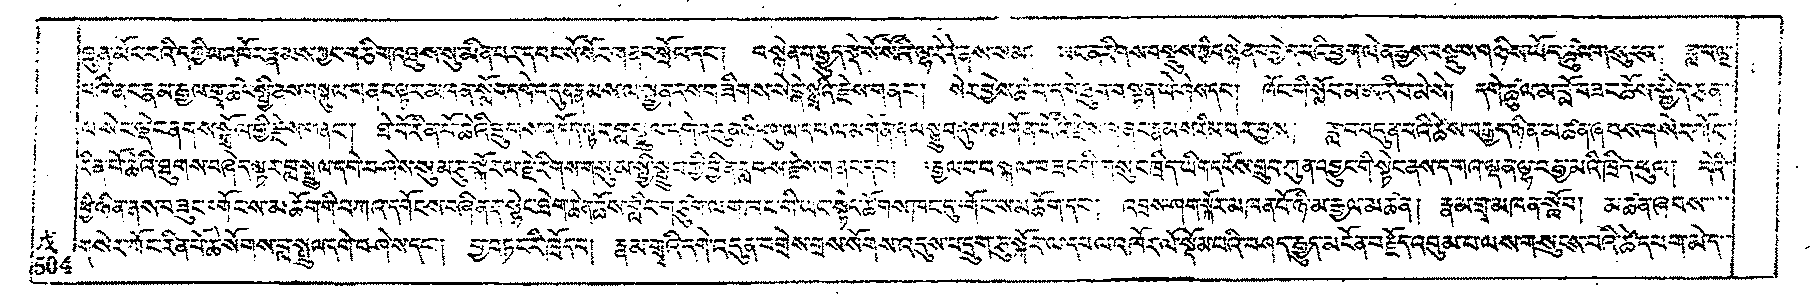ཐུན་མོང་བའི་དཀྱིལ་འཁོར་རྣམས་ཀྱང་གཅིག་འཐུས་སུ་མིན་པར་དབང་སོ་སོར་གནང་སྲོལ་དང་། བསྙེན་པ་རྒྱུད་སྡེ་སོ་སོའི་ལྷ་རེ་རེ་ནས་སམ། ཡང་ན་རིགས་བསྡུས་ཀྱི་བསྙེན་པ་བྱེད་པའི་ཕྱག་ལེན་རྒྱས་བསྡུས་གཉིས་ཡོད་ཚུལ་གསུངས། ཟླ་བ་ལྔ་
པའི་ནང་རྣམ་རྒྱལ་གྲྭ་ཚང་སྤྱི་ནས་བསྐུལ་གནང་ལྟར་མཁན་སློབ་དགེ་འདུན་རྣམས་ལ་སྤྱན་རས་གཟིགས་སེངྒེ་སྒྲའི་རྗེས་གནང་། སེར་བྱེས་ཚ་བ་དགེ་ཐུབ་བསྟན་ཡེ་ཤེས་དང་། ཁོང་གི་སློབ་མ་ཨ་རི་པ་མེ་སེ། དགེ་ཚུལ་མ་བློ་བཟང་ཆོས་སྐྱིད་ཅན་
ལ་སེང་ལྡེང་ནགས་སྒྲོལ་གྱི་རྗེས་གནང་། ཐེ་བོ་རིན་པོ་ཆེའི་ཐུགས་འདོད་ལྟར་བླ་སྤྲུལ་དགེ་འདུན་ཉི་ཤུ་ལ་དཔལ་མགོན་ཞལ་སྒྲུབ་དུས་མགོན་པོའི་རྗེས་གནང་རྣམས་རིམ་པར་བྱས། ཟླ་བ་བདུན་པའི་ཚེས་བརྒྱད་ཉིན་མཚན་ཞབས་གསེར་ཀོང་
རིན་པོ་ཆེའི་ཐུགས་བཞེད་ལྟར་བླ་སྤྲུལ་དགེ་བཤེས་སུམ་ཅུ་སྐོར་ལ་རྗེ་རིགས་གསུམ་སྤྱི་སྒྲུབ་ཀྱི་བྱིན་རླབས་རྗེས་གནང་དང་། ༧རྒྱལ་བ་བསྐལ་བཟང་གི་གསུང་ཁྲིད་ཡིག་དངོས་གྲུབ་ཀུན་འབྱུང་གི་སྟེང་ནས་དགའ་ལྡན་ལྷ་བརྒྱ་མའི་ཁྲིད་ཕུལ། དེའི་
ཕྱི་ཉིན་ནས་བཟུང་༧གོང་ས་མཆོག་གི་བཀའ་དགོངས་བཞིན་རྡ་སྟེང་ཐེག་ཆེན་ཆོས་གླིང་གཙུག་ལག་ཁང་གི་ཡང་སྟེང་ཚོགས་ཁང་དུ་༧གོང་ས་མཆོག་དང་། འབྲས་ཤག་སྐོར་མཁན་པོ་ཉི་མ་རྒྱལ་མཚན། རྣམ་གྲྭ་མཁན་སློབ། མཚན་ཞབས་
གསེར་ཀོང་རིན་པོ་ཆེ་སོགས་བླ་སྤྲུལ་དགེ་བཤེས་དང་། བྱ་བཏང་རི་ཁྲོད་པ། རྣམ་གྲྭའི་དགེ་འདུན་བགྲེས་གྲས་སོགས་འདུས་པ་དྲུག་ཅུ་སྐོར་ལ་དཔལ་འཁོར་ལོ་སྡོམ་པའི་བཤད་རྒྱུད་མངོན་བརྗོད་འབུམ་པ་ལས་གསུངས་པའི་ཚེ་དཔག་མེད་